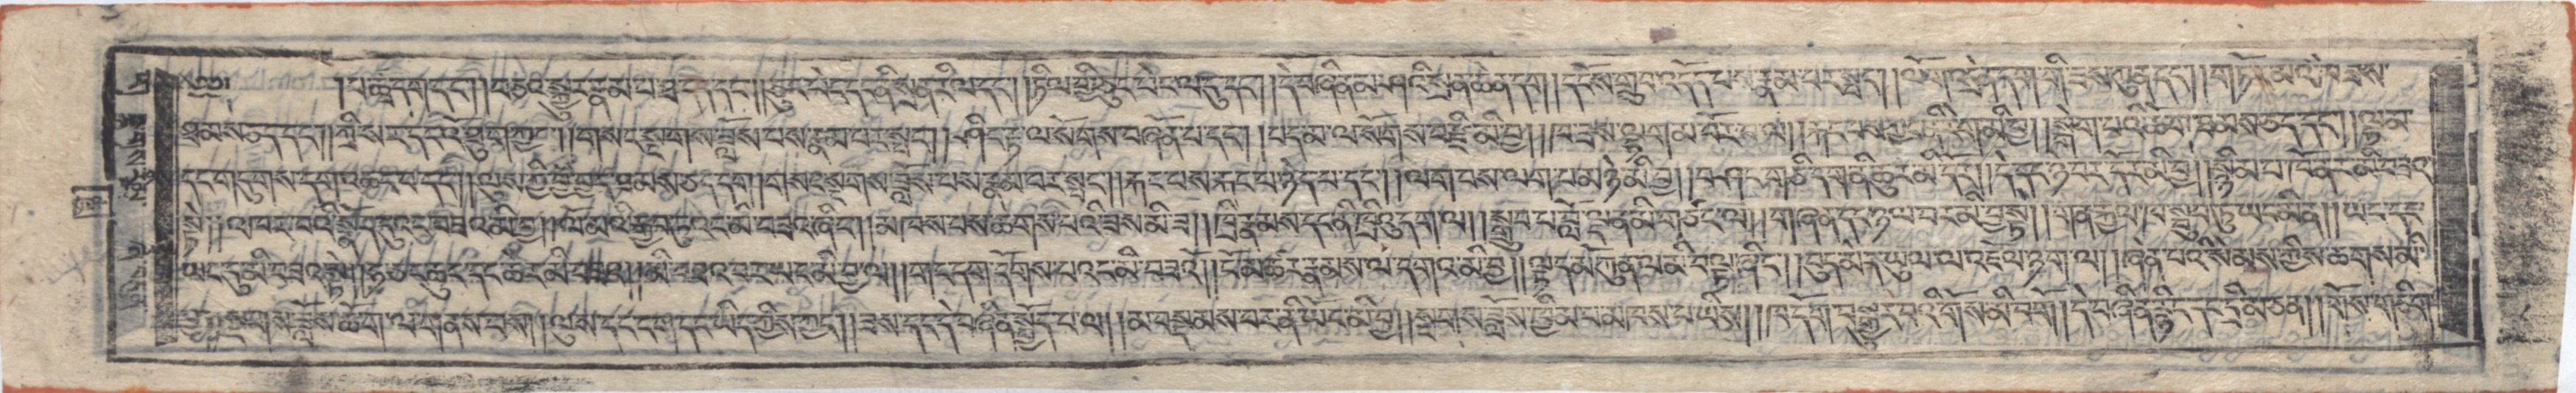༄༅། །པ་ཚྭ་དག་དང་། །བཅའ་སྐྱུར་རྣམ་པ་ཐ་དད་དང་། །ཅུང་པེང་དང་ནི་སྲན་རིལ་དང་། །ཏིལ་གྱི་ཅུང་ཕེང་ལ་དུ་དང་། །དེ་བཞིན་མ་ཤའི་སྲན་ཆེན་དག །དངོས་གྲུབ་འདོད་པས་རྣམ་པར་སྤང་། །ལོག་འདྲེན་དག་གི་ཟས་ཀུན་དང་། །གཏོར་མའི་ཁ་ཟས་
ཐམས་ཅད་དང་། །ཀྲི་ས་ར་དང་འོ་ཐུག་ཀྱང་། །གསང་སྔགས་ཟློས་པས་རྣམ་པར་སྤང་། །ཤིང་རྟ་ལ་སོགས་བཞོན་པ་དང་། །པད་མ་ལ་སོགས་བརྫི་མི་བྱ། །ཁ་ཟས་ལྷག་མ་བོར་བ་ལ། །རྐང་པས་ཀྱང་ནི་རེག་མི་བྱ། །སྒེག་པའི་ཆོ་ག་ཐམས་ཅད་དང་། །ལྷ་མ་
དང་གདུགས་དག་འཆང་བ་དང་། །ལུས་ཀྱི་བྱི་བྱད་ཐམས་ཅད་དག །གསང་སྔགས་ཟློས་པས་རྣམ་པར་སྤང་། །རྐང་པས་རྐང་པ་ཉེད་པ་དང་། །ལག་པས་ལག་པ་མཉེ་མི་བྱ། །བཤང་གཅི་དག་ནི་ཆུར་མི་དོར། །དེ་དང་ཉེ་བར་དོར་མི་བྱ། །སྙིམ་པ་ཁོ་ནར་མི་བཟའ་
སྟེ༑ ༑འཁོར་?་བའི་སྣོད་དུའང་བཟའ་མི་བྱ། །ལོ་མའི་རྒྱབ་ཏུའང་མི་བཟའ་ཞིང་། །མཁས་པས་ཆགས་པའི་ཟས་མི་ཟ། །ཁྲི་རྣམས་དང་ནི་ཁྲིའུ་དག་ལ། །སྒྲུབ་པ་བློ་ལྡན་མི་གཙང་ལ། །གཞན་དང་ཉལ་བར་མི་བྱ་སྟེ། །གན་རྐྱལ་ཁ་སྦུབ་ཏུ་ཡང་མིན། །ཡང་དང་
ཡང་དུ་མི་བཟའ་སྟེ། །ཧ་ཅང་ཆུང་དང་ཆེར་མི་བཟའ། །མི་བཟའ་བར་ཡང་མི་བྱ་ལ། །གང་དག་དོགས་པའང་མི་བཟའོ། །ངོ་མཚར་རྣམས་ལ་དགའ་མི་བྱ། །ལྟད་མོ་ཀུན་ལ་མི་བལྟ་ཞིང་། །བུད་མེད་ཡུལ་ལ་འཇོལ་ཉག་ལ། །ཞེན་པའི་སེམས་ཀྱིས་ཆགས་མི་
བྱ༑ ༑སྔགས་ཟློས་ཆོ་ག་ལ་གནས་པས། །ལུས་དང་ངག་དང་ཡིད་ཀྱིས་ཀྱང་། །ཟས་དང་དེ་བཞིན་སྤྱོད་པ་ལ། །མ་བསྡམས་པར་ནི་ཡོང་མི་བྱ། །སྔགས་ཟློས་ཁྱིམ་པ་མཁས་པ་ཡིས། །ཁ་དོག་བསྒྱུར་བའི་གོས་མི་བགོ །དེ་བཞིན་རྙིད་དང་དྲི་མ་ཅན། །གོས་གཅིག་